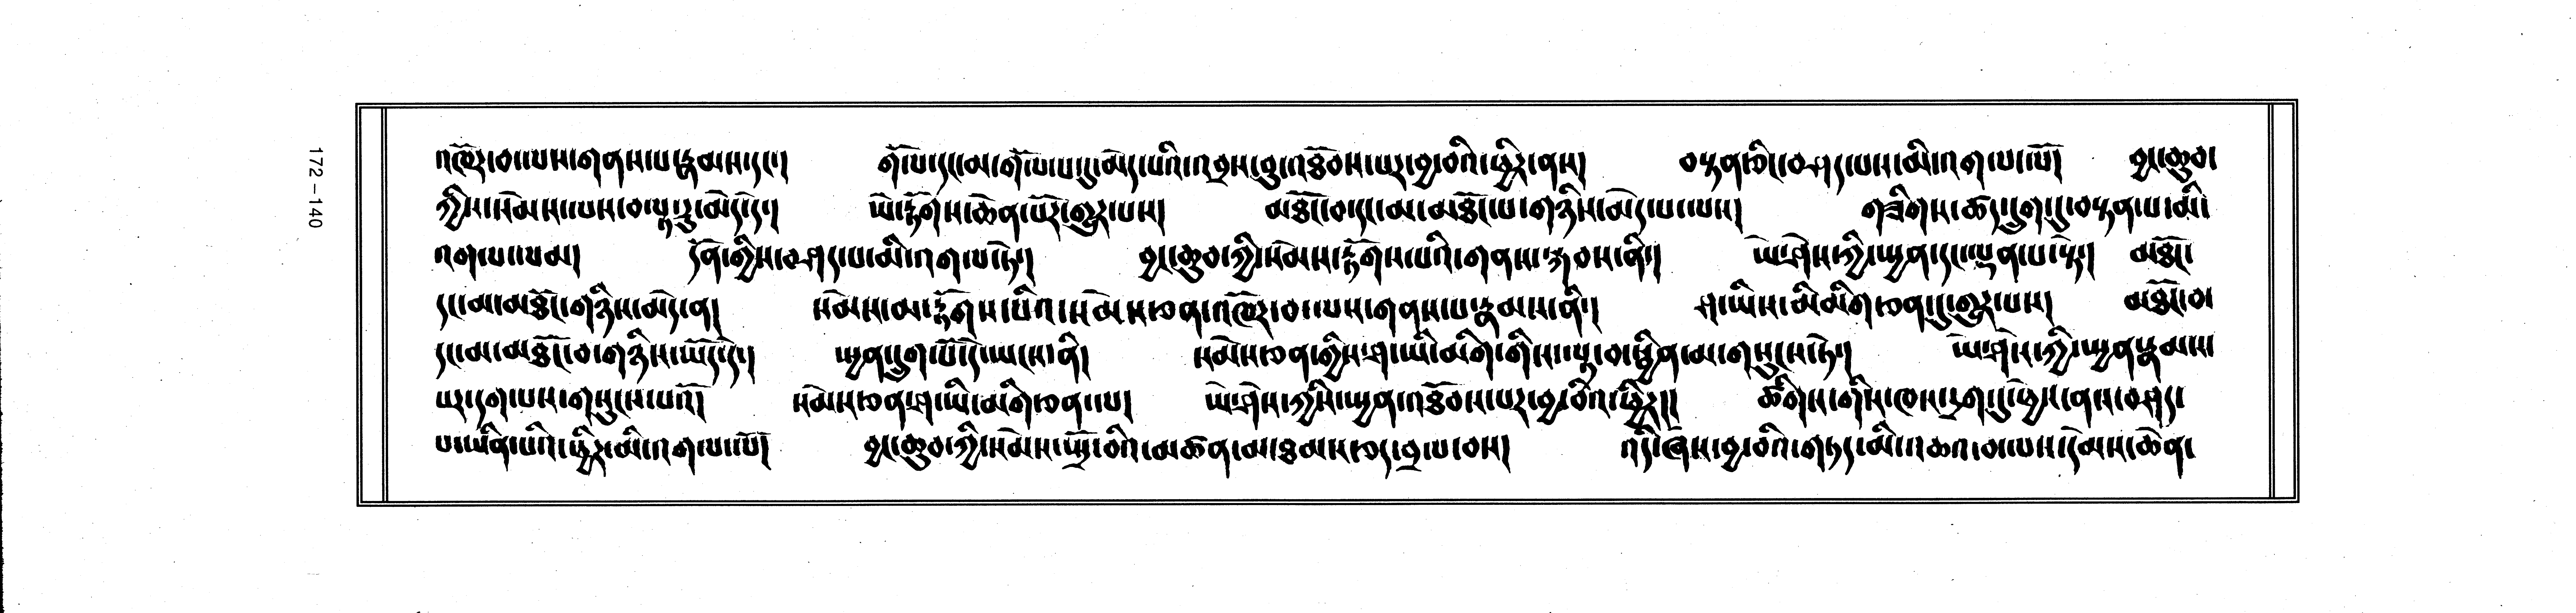འཁོར་བ་ལས་གནས་པ་རྣམས་དང་། གོལ་དང་མ་གོལ་པ་དུ་མེད་པའི་འབྲས་བུ་འཐོབས་པར་བྱ་བའི་ཕྱིར་ནས། བསྟན་ཅིང་བཤད་པས་མི་འགལ་ལོ། བྱང་ཆུབ་
ཀྱིས་སེམས་ལས་བལྟ་རུ་མེད་དེ། ཡེ་རྟོགས་ཆེན་པོ་གྱུར་པས། མཐོང་བ་དང་མ་མཐོང་པ་གཉིས་མེད་པ་ལས། གཟིགས་ཚད་དྲུག་དུ་བསྟན་པ་མི་
འགལ་ལམ། དོན་གྱིས་བཤད་པ་མི་འགལ་ཏེ། བྱང་ཆུབ་ཀྱི་སེམས་རྟོགས་པའི་གནས་སྐབས་ནི། ཡེ་ཤེས་ཀྱི་སྤྱན་དང་ལྡན་པ་སྟེ། མཐོང་
དང་མ་མཐོང་གཉིས་མེད་ན། སེམས་མ་རྟོགས་པའི་སེམས་ཅན་འཁོར་བ་ལས་གནས་པ་རྣམས་ནི། ཤ་ཡིས་མིག་ཅན་དུ་གྱུར་པས། མཐོང་བ་
དང་མ་མཐོང་བ་གཉིས་ཡོད་དེ། སྤྱན་དྲུག་པོ་དེ་ཡངས་ནི། སེམས་ཅན་གྱིས་ཤ་ཡི་མིག་གིས་ལྟ་བ་སྦྱིན་མ་གསུངས་ཏེ། ཡེ་ཤེས་ཀྱི་སྤྱན་རྣམས་
པར་དག་པས་གསུངས་པའོ། སེམས་ཅན་ཤ་ཡི་མིག་ཅན་ལ། ཡེ་ཤེས་ཀྱིས་སྤྱན་འཐོབས་པར་བྱ་བའི་ཕྱིར། ཚིགས་གིས་ཁས་དྲག་དུ་ཕྱེས་ནས་བཤད་
པ་ཡིན་པའི་ཕྱིར་མི་འགལ་ལོ། བྱང་ཆུབ་ཀྱི་སེམས་སྤྲོ་བའི་མཚན་མ་ཐམས་ཅད་བྲལ་བས། འདི་ཞེས་བྱ་བའི་གཏད་མི་འཆའ་བ་ལས་དེམས་ཆེན་